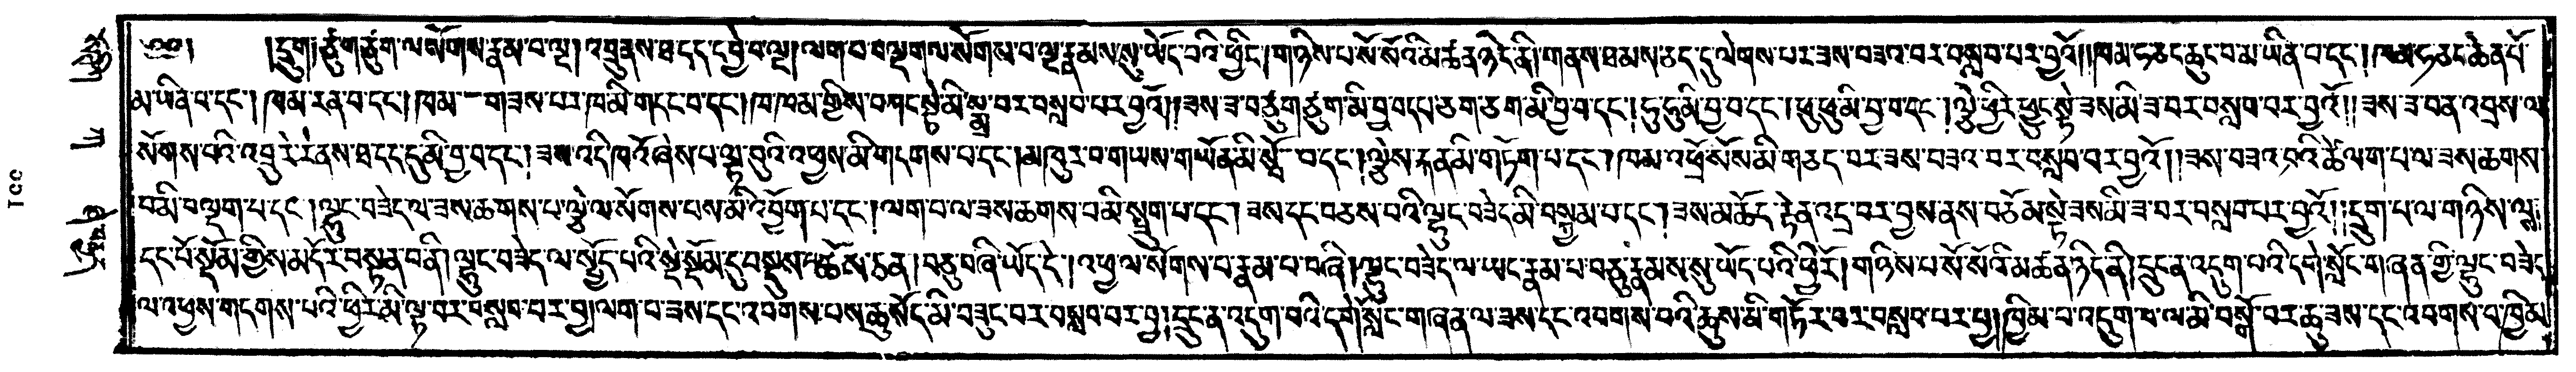༄༅། །དྲུག༑ ཙུ་གཙུག་ལ་སོགས་རྣམ་བ་ལྔ། འབྲུ་ནས་ཐ་དད་དབྱེ་བ་ལྔ། ལག་བ་བལྡག་ལ་སོགས་པ་ལྔ་རྣམས་སུ་ཡོད་པའི་ཕྱིང་། གཉིས་པ་སོ་སོའི་མཚན་ཉིད་ནི། གནས་ཐམས་ཅད་དུ་ལེགས་པར་ཟས་བཟའ་བར་བསླབ་པར་བྱའོ། །ཁམ་ཧ་ཅང་ཆུང་བ་མ་ཡིན་པ་དང་། ཁམ་ཧ་ཅང་ཆེན་པོ་
མ་ཡིན་པ་དང་། ཁམ་རན་པ་དང་། ཁམ་གཟས་པར་ཁ་མི་གདང་བ་དང་། ཁ་ཁམ་གྱིས་བཀང་སྟེ་མི་སྨྲ་བར་བསླབ་པར་བྱའོ། །ཟས་ཟ་བཙུ་གཙུག་མི་བྱ་བ་དང་། ཅག་ཅག་མི་བྱ་བ་དང་། ཧུ་ཧུ་མི་བྱ་བ་དང་། ཕུ་ཕུ་མི་བྱ་བ་དང་། ལྕེ་ཕྱིར་ཕྱུང་སྟེ་ཟས་མི་ཟ་བར་བསླབ་པར་བྱའོ། །ཟས་ཟ་བན་འབྲས་ལ་
སོགས་པའི་འབྲུ་རེ་རེ་ནས་ཐ་དད་དུ་མི་བྱ་བ་དང་། ཟས་འདི་ཁའོ་ཞེས་པ་ལྟ་བུའི་འཕྱས་མི་གདགས་པ་དང་། མཁུར་བ་གཡས་གཡོན་མི་སྦོ་བ་དང་། ལྕེས་རྐན་མི་གཏོག་པ་དང་། ཁམ་འཕྲོ་སོས་མི་གཅད་པར་ཟས་བཟའ་བར་བསླབ་བར་བྱའོ། །ཟས་བཟའ་བའི་ཚེ་ལག་པ་ལ་ཟས་ཆགས་
བ་མི་བལྡག་པ་དང་། ལྷུང་བཟེད་ལ་ཟས་ཆགས་པ་ལྕེ་ལ་སོགས་པས་མི་འབྱོག་པ་དང་། ལག་པ་ལ་ཟས་ཆགས་པ་མི་སྤྲུག་པ་དང་། ཟས་དང་བཅས་པའི་ལྷུང་བཟེད་མི་བསྐྱམ་པ་དང་། ཟས་མཆོད་རྟེན་འདྲ་བར་བྱས་ནས་བཅོམ་སྟེ་ཟས་མི་ཟ་བར་བསླབ་པར་བྱའོ། །དྲུག་པ་ལ་གཉིས་ལས།
དང་པོ་སྡོམ་གྱིས་མདོར་བསྟན་བ་ནི། ལྷུང་བཟེད་ལ་སྤྱོད་པའི་སྡེ་སྡོམ་དུ་བསྡུས་པ་ཆོས་ཅན། བཅུ་བཞི་ཡོད་དེ། འཕྱ་ལ་སོགས་པ་རྣམ་པ་བཞི། ལྷུང་བཟེད་ལ་ཡང་རྣམ་པ་བཅུ་རྣམས་སུ་ཡོད་པའི་ཕྱི་རོ། གཉིས་པ་སོ་སོའི་མཚན་ཉིད་ནི། དྲུང་ན་འདུག་པའི་དགེ་སློང་གཞན་གྱི་ལྷུང་བཟེད་
ལ་འཕྱས་གདགས་པའི་ཕྱིར་མི་ལྟ་བར་བསླབ་པར་བྱ། ལག་བ་ཟས་དང་འབགས་པས་ཆུ་སོད་མི་བཟུང་བར་བསླབ་པར་བྱ། དྲུང་ན་འདུག་པའི་དགེ་སློང་གཞན་ལ་ཟས་དང་འབགས་བའི་ཆུས་མི་གཏོར་བར་བསླབ་པར་བྱ། ཁྱིམ་པ་འདུག་པ་ལ་མི་བསྒོ་བར་ཆུ་ཟས་དང་འབགས་བ་ཁྱིམ་